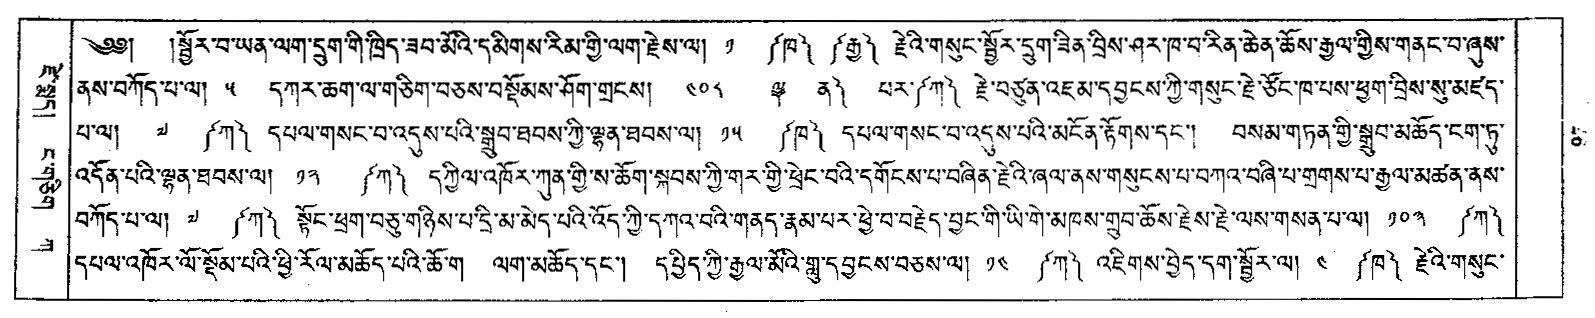༄༅། །སྦྱོར་བ་ཡན་ལག་དྲུག་གི་ཁྲིད་ཟབ་མོའི་དམིགས་རིམ་གྱི་ལག་རྗེས་ལ། ༡ ༼ཁ྄་༽རྒྱ྄་རྗེའི་གསུང་སྦྱོར་དྲུག་ཟིན་བྲིས་ཤར་ཁ་བ་རིན་ཆེན་ཆོས་རྒྱལ་གྱིས་གནང་བ་ཞུས་
ནས་བཀོད་པ་ལ། ༥་དཀར་ཆག་ལ་གཅིག་བཅས་བསྡོམས་ཤོག་གྲངས། ༤༠༨་༈ ན྄་པར་ཀ྄་རྗེ་བཙུན་འཇམ་དབྱངས་ཀྱི་གསུང་རྗེ་ཙོང་ཁ་པས་ཕྱག་བྲིས་སུ་མཛད་
པ་ལ། ༧ ༼ཀ྄་དཔལ་གསང་བ་འདུས་པའི་སྒྲུབ་ཐབས་ཀྱི་ལྷན་ཐབས་ལ། ༡༥་༽ཁ྄་དཔལ་གསང་བ་འདུས་པའི་མངོན་རྟོགས་དང་། བསམ་གཏན་གྱི་སྒྲུབ་མཆོད་ངག་ཏུ་
འདོན་པའི་ལྷན་ཐབས་ལ། ༡༢་ཀ྄་དཀྱིལ་འཁོར་ཀུན་གྱི་ས་ཆོག་སྐབས་ཀྱི་གར་གྱི་ཕྲེང་བའི་དགོངས་པ་བཞིན་རྗེའི་ཞལ་ནས་གསུངས་པ་བཀའ་བཞི་པ་གྲགས་པ་རྒྱལ་མཚན་ནས་
བཀོད་པ་ལ། ༧ ༼ཀ྄་སྟོང་ཕྲག་བཅུ་གཉིས་པ་དྲི་མ་མེད་པའི་འོད་ཀྱི་དཀའ་བའི་གནད་རྣམ་པར་ཕྱེ་བ་བརྗེད་བྱང་གི་ཡི་གེ་མཁས་གྲུབ་ཆོས་རྗེས་རྗེ་ལས་གསན་པ་ལ། ༡༠༣་༽ཀ྄
དཔལ་འཁོར་ལོ་སྡོམ་པའི་ཕྱི་རོལ་མཆོད་པའི་ཆོ་ག་ལག་མཆོད་དང་། དཔྱིད་ཀྱི་རྒྱལ་མོའི་གླུ་དབྱངས་བཅས་ལ། ༡༤ ༼ཀ྄་འཇིགས་བྱེད་དག་སྦྱོར་ལ། ༤་༽ཁ྄་རྗེའི་གསུང་